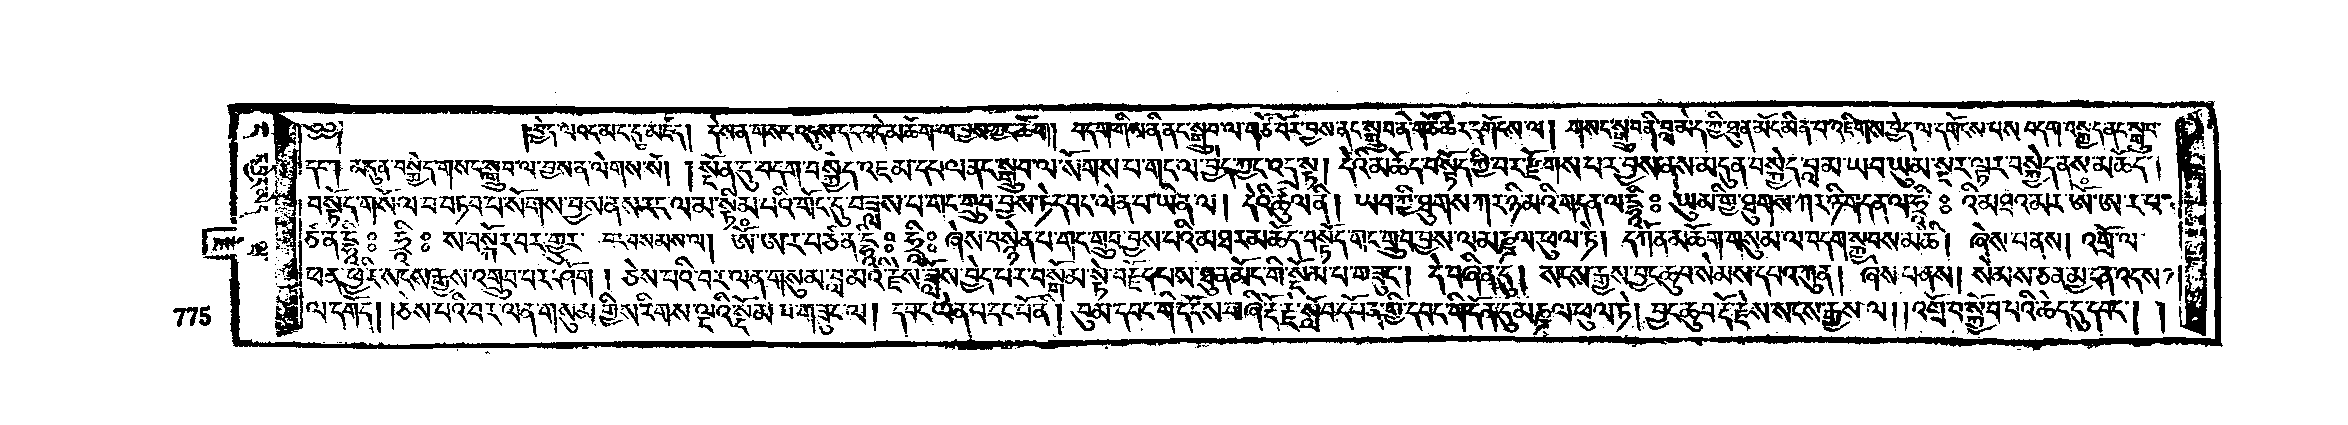༄༅། །བྱེད་ལའང་མང་དུ་མཛད། དེས་ན་གསང་འདུས་དང་བདེ་མཆོག་ལ་བྱས་ཀྱང་ཆོག །བདག་གིས་ནི་ནང་སྒྲུབ་ལ་གཙོ་བོར་བྱས་ནང་སྒྲུབ་ནི་གཙོ་ཆེར་དགོངས་ལ། གསང་སྒྲུབ་ནི་བླ་མེད་ཀྱི་ཐུན་མོང་མིན་པ་འཇིགས་བྱེད་ལ་དགོངས་པས་བདག་བསྐྱེད་ནང་སྒྲུབ་
དང་། མདུན་བསྐྱེད་གསང་སྒྲུབ་ལ་བྱས་ན་ལེགས་སོ། །སྔོན་དུ་བདག་བསྐྱེད་འཇམ་དཔལ་ནང་སྒྲུབ་ལ་སོགས་པ་གང་ལ་བྱེད་ཀྱང་འདྲ་སྟེ། དེའི་མཆོད་བསྟོད་ཀྱི་བར་རྫོགས་པར་བྱས་ནས་མདུན་བསྐྱེད་བླ་མ་ཡབ་ཡུམ་སྔར་ལྟར་བསྐྱེད་ནས་མཆོད།
བསྟོད་གསོལ་བ་བཏབ་པ་སོགས་བྱས་ནས་རང་ལ་མ་སྟིམ་པའི་གོང་དུ་བཟླས་པ་གང་གྲུབ་བྱས་ཏེ་དབང་ལེན་པ་ཡིན་ལ། དེའི་ཚུལ་ནི། ཡབ་ཀྱི་ཐུགས་ཀར་ཉི་མའི་གདན་ལ་དྷཱིཿ ཡུམ་གྱི་ཐུགས་ཀར་ཉི་གདན་ལ་ཧྲཱིཿ འི་མཐའ་མར་ཨོཾ་ཨ་ར་པ་
ཙ་ན་དྷཱིཿ ཧྲཱིཿ ས་བསྐོར་བར་གྱུར་བར་བསམས་ལ། ཨོཾ་ཨ་ར་པ་ཙ་ན་དྷཱིཿ ཧྲཱིཿ ཞེས་བསྙེན་པ་གང་གྲུབ་བྱས་པའི་མཐར་མཆོད་བསྟོད་གང་གྲུབ་བྱས་ལ་མཎྜལ་ཕུལ་ཏེ། དཀོན་མཆོག་གསུམ་ལ་བདག་སྐྱབས་མཆི། ཞེས་པ་ནས། འགྲོ་ལ་
ཕན་ཕྱིར་སངས་རྒྱས་འགྲུབ་པར་ཤོག །ཅེས་པའི་བར་ལན་གསུམ་བླ་མའི་རྗེས་ཟློས་བྱེད་པར་བསྒོམ་སྟེ་བརྗོད་པས་ཐུན་མོང་གི་སྡོམ་པ་གཟུང་། དེ་བཞིན་དུ། སངས་རྒྱས་བྱང་ཆུབ་སེམས་དཔའ་ཀུན། ཞེས་པ་ནས། སེམས་ཅན་མྱ་ངན་འདས་
ལ་དགོད། །ཅེས་པའི་བར་ལན་གསུམ་གྱིས་རིགས་ལྔའི་སྡོམ་པ་གཟུང་ལ། དབང་ལེན་པ་དང་པོ་ནི། བུམ་དབང་གི་དངོས་གཞི་རྡོ་རྗེ་རྗེས་སངས་རྒྱས་ལ། །འགྲོ་བ་སྐྱོབ་པའི་ཆེད་དུ་དབང་། ། རྗེས་སངས་རྒྱས་ལ། །འགྲོ་བ་སྐྱོབ་པའི་ཆེད་དུ་དབང་། །